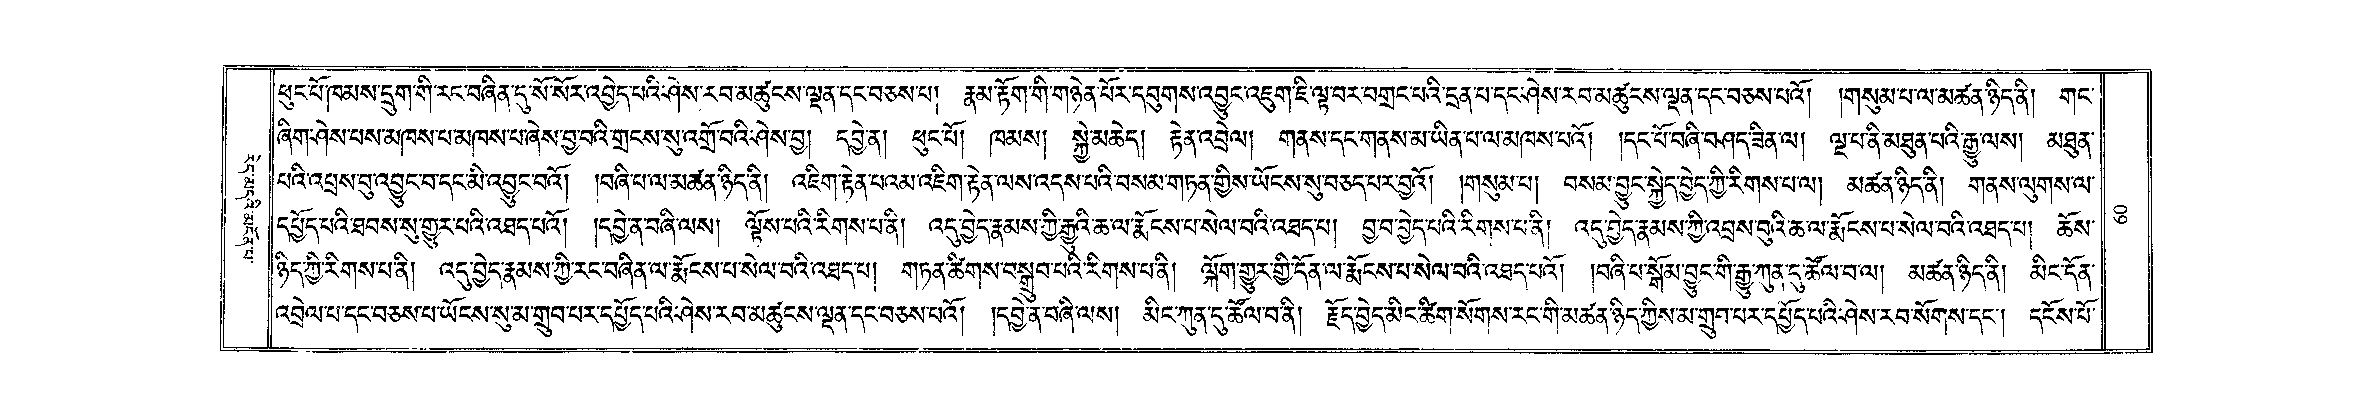ཕུང་པོ་ཁམས་དྲུག་གི་རང་བཞིན་དུ་སོ་སོར་འབྱེད་པའི་ཤེས་རབ་མཚུངས་ལྡན་དང་བཅས་པ། རྣམ་རྟོག་གི་གཉེན་པོར་དབུགས་འབྱུང་འཇུག་ཇི་ལྟ་བར་བགྲང་པའི་དྲན་པ་དང་ཤེས་རབ་མཚུངས་ལྡན་དང་བཅས་པའོ། །གསུམ་པ་ལ་མཚན་ཉིད་ནི། གང་
ཞིག་ཤེས་པས་མཁས་པ་མཁས་པ་ཞེས་བྱ་བའི་གྲངས་སུ་འགྲོ་བའི་ཤེས་བྱ། དབྱེ་ན། ཕུང་པོ། ཁམས། སྐྱེ་མཆེད། རྟེན་འབྲེལ། གནས་དང་གནས་མ་ཡིན་པ་ལ་མཁས་པའོ། །དང་པོ་བཞི་བཤད་ཟིན་ལ། ལྔ་པ་ནི་མཐུན་པའི་རྒྱུ་ལས། མཐུན་
པའི་འབྲས་བུ་འབྱུང་བ་དང་མི་འབྱུང་བའོ། །བཞི་པ་ལ་མཚན་ཉིད་ནི། འཇིག་རྟེན་པའམ་འཇིག་རྟེན་ལས་འདས་པའི་བསམ་གཏན་གྱིས་ཡོངས་སུ་བཅད་པར་བྱའོ། །གསུམ་པ། བསམ་བྱུང་སྐྱེད་བྱེད་ཀྱི་རིགས་པ་ལ། མཚན་ཉིད་ནི། གནས་ལུགས་ལ་
དཔྱོད་པའི་ཐབས་སུ་གྱུར་པའི་འཐད་པའོ། །དབྱེ་ན་བཞི་ལས། ལྟོས་པའི་རིགས་པ་ནི། འདུ་བྱེད་རྣམས་ཀྱི་རྒྱུའི་ཆ་ལ་རྨོངས་པ་སེལ་བའི་འཐད་པ། བྱ་བ་བྱེད་པའི་རིགས་པ་ནི། འདུ་བྱེད་རྣམས་ཀྱི་འབྲས་བུའི་ཆ་ལ་རྨོངས་པ་སེལ་བའི་འཐད་པ། ཆོས་
ཉིད་ཀྱི་རིགས་པ་ནི། འདུ་བྱེད་རྣམས་ཀྱི་རང་བཞིན་ལ་རྨོངས་པ་སེལ་བའི་འཐད་པ། གཏན་ཚིགས་བསྒྲུབ་པའི་རིགས་པ་ནི། ལྐོག་གྱུར་གྱི་དོན་ལ་རྨོངས་པ་སེལ་བའི་འཐད་པའོ། །བཞི་པ་སྒོམ་བྱུང་གི་རྒྱུ་ཀུན་དུ་ཚོལ་བ་ལ། མཚན་ཉིད་ནི། མིང་དོན་
འབྲེལ་པ་དང་བཅས་པ་ཡོངས་སུ་མ་གྲུབ་པར་དཔྱོད་པའི་ཤེས་རབ་མཚུངས་ལྡན་དང་བཅས་པའོ། །དབྱེ་ན་བཞི་ལས། མིང་ཀུན་དུ་ཚོལ་བ་ནི། རྗོད་བྱེད་མིང་ཚིག་སོགས་རང་གི་མཚན་ཉིད་ཀྱིས་སྨ་གྲུབ་པར་དཔྱོད་པའི་ཤེས་རབ་སོགས་དང་། དངོས་པོ་